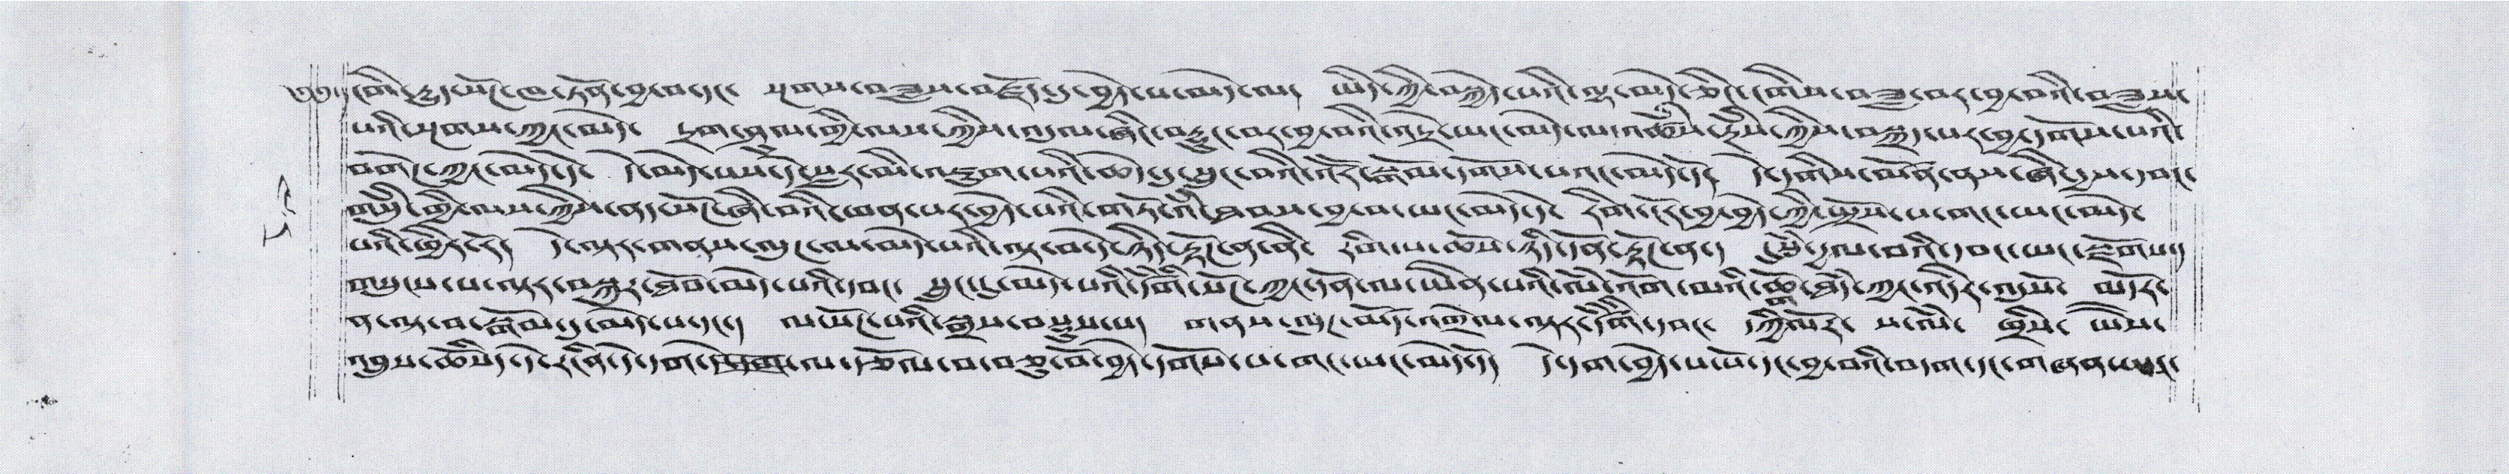ངག་གི་རྒྱུད་སོགས་ཁ་ཏོན་བྱ་བ་དང་། སྔགས་བཟླས་བརྗོད་དུ་བྱེད་པ་མེད་ལ། ཡིད་ཀྱིས་བསྐྱེད་པའི་ལྷ་མེད་ཅིང་། ངག་གིས་བཟླ་བར་བྱེད་པའི་བཟླས་
པའི་སྔགས་ཀྱང་མེད། དྲག་ཤུལ་གྱི་ལས་ཀྱིས་འདུལ་ཞིང་བརྡུང་བར་བྱ་བའི་འདྲེ་ཡང་མེད་ལ་ཚམས་རྔམས་ཀྱིས་བསྐྲད་པར་བྱ་དགོས་པའི་
བགེགས་ཀྱང་མེད་དེ། དེ་མེད་པས་དེ་སླར་མི་འཇུག་པའི་ཆེད་དུ་སྲུང་བའི་འཁོར་ལོ་བསྒོམ་དགོས་པའང་མེད་དོ། དེ་དག་གིས་མཚོན་ནས་ཞི་རྒྱས་དབང་
དྲག་གསུམ་གྱི་ལས་ཀྱིས་ནད་སོགས་ཞི་བར་བྱེད་པའི་ཕན་པར་བྱེད་པའི་གཏོའམ་ཐབས་བྱ་བའང་མེད་དེ། རིག་ངོར་བྱ་བྱེད་ཀྱི་སྤྲོས་པ་གང་ཡང་མེད་
པའི་ཕྱིར་རོ། དེ་ལྟར་གནས་ལུགས་ལ་མེད་པའི་ལྟ་བ་དེ་ཉིད་རྟོགས་ན་ནི། རིག་པ་ཆོས་ཉིད་དོན་རྟོགས་ན། དུས་གསུམ་རྒྱལ་བའི་དབང་ཡང་རྫོགས། 
གསུངས་པ་ལྟར། བསྐུར་ཐོབ་མེད་པའི་དབང་། སྲུང་དུ་མེད་པའི་དམ་ཚིག་སོགས་ཀྱང་དོན་ལ་ཡིན་པའི་ལམ་འོག་མའི་ཆོ་ག་ཐམས་ཅད་ཀྱང་འདིར་འདུས་སོ། མདོར་
ན་ལྟ་བ་བསྒོམ་དུ་མེད་པ་དང་། ལ་སོགས་པའི་སྒྲས་བསྡུས་པ། གནས་ལུགས་མཛོད་འགྲེལ་ལྟར་དམ་ཚིག་དབང་དཀྱིལ་འཁོར་ས་ལམ་ཕྲིན་ལས་ཡེ་ཤེས་
འབྲས་བུ་ཆོས་ཉིད་དེ་རང་བཞིན་དེ་དག་ལ་རྩོལ་བ་བཅུ་པོ་བྱེད་དགོས་པ་གང་ཡང་མེད་དོ། དེ་དག་བྱེད་པ་པོ་དང་བྱ་བའི་བདག་དང་གཞན་ཡང་